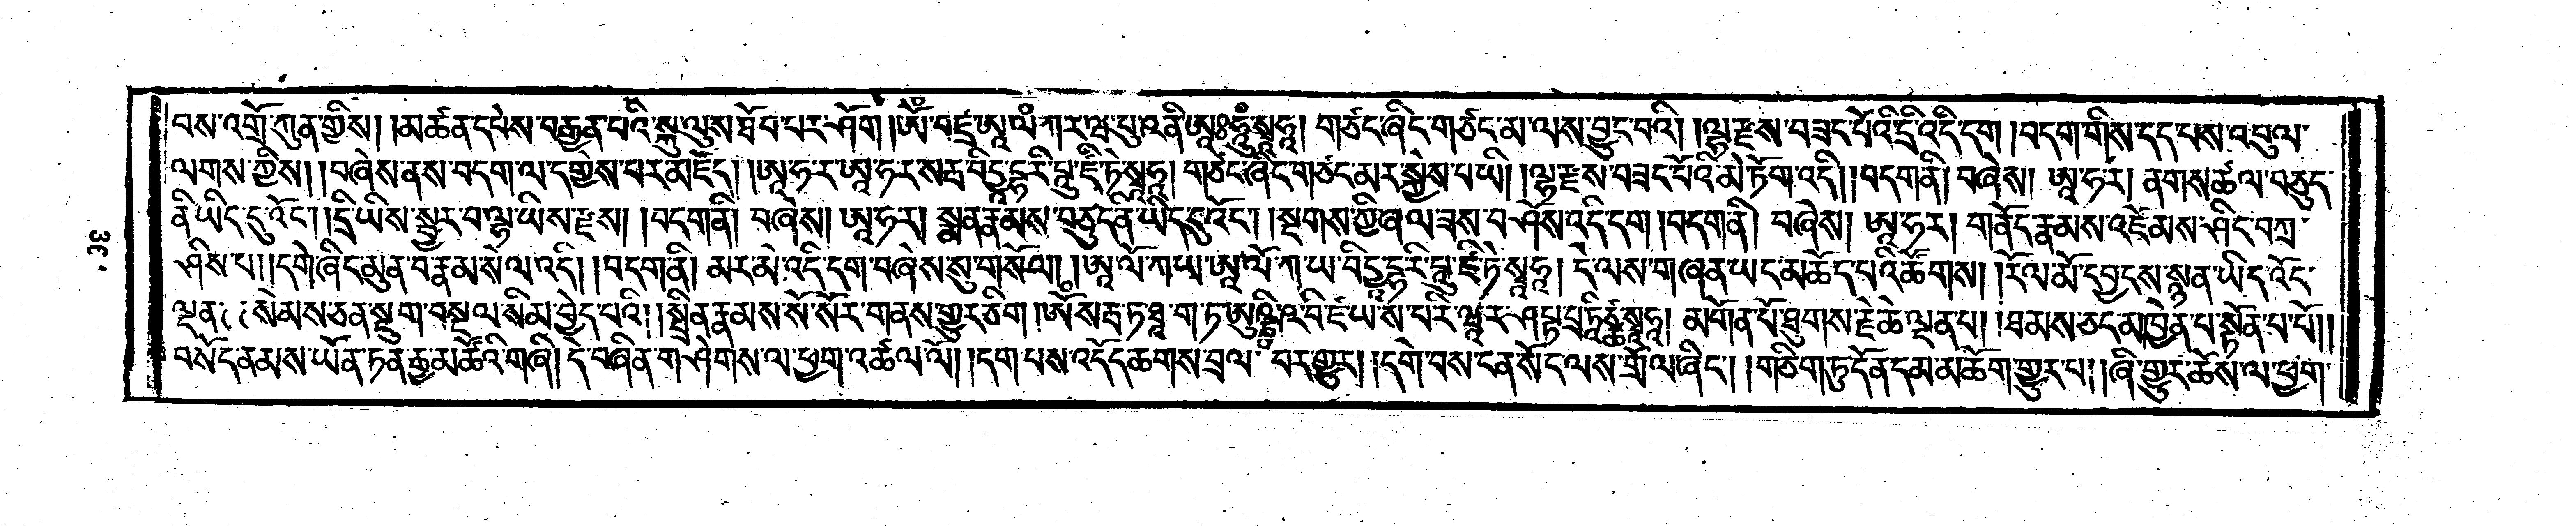བས་འགྲོ་ཀུན་གྱིས། །མཚན་དཔེས་བརྒྱན་པའི་སྐུ་ལུས་ཐོབ་པར་ཤོག །ཨོཾ་བཛྲ་ཨཱ་ལཾ་ཀ་ར་ཝ་པུ་ཥ་ནི་ཨཱཿ ཧཱུཾ་སྭཱཧཱ། གཙང་ཞིང་གཙང་མ་ལས་བྱུང་བའི། །ལྷ་རྫས་བཟང་པོའི་དྲི་འདི་དག །བདག་གིས་དད་པས་འབུལ་
ལགས་ཀྱིས། །བཞེས་ནས་བདག་ལ་དགྱེས་པར་མཛོད། །ཨཱ་ཧ་ར་ཨཱ་ཧ་ར་སརྦ་བིདྱཱ་དྷ་རི་པཱུ་ཛི་ཏེ་སྭཱཧཱ། གཙང་ཞིང་གཙང་མར་སྐྱེས་པ་ཡི། །ལྷ་རྫས་བཟང་པོའི་མེ་ཏོག་འདི། །བདག་ནི། བཞེས། ཨཱ་ཧ་ར། ནགས་ཚལ་བཅུད་
ནི་ཡིད་དུ་འོང་། །དྲི་ཡིས་སྦྱར་བ་ལྷ་ཡིས་རྫས། །བདག་ནི། བཞེས། ཨཱ་ཧ་ར། སྨན་རྣམས་བཅུད་ནི་ཡིད་དུ་འོང་། །སྔགས་ཀྱི་ཞལ་ཟས་བཤོས་འདི་དག །བདག་ནི། བཞེས། ཨཱ་ཧ་ར། གནོད་རྣམས་འཇོམས་ཤིང་བཀྲ་
ཤིས་པ། །དགེ་ཞིང་མུན་པ་རྣམ་སེལ་འདི། །བདག་ནི། མར་མེ་འདི་དག་བཞེས་སུ་གསོལ། །ཨཱ་ལོ་ཀ་ཡ་ཨཱ་ལོ་ཀ་ཡ་བིདྱཱ་དྷ་རི་པཱུ་ཛི་ཏེ་སྭཱཧཱ། དེ་ལས་གཞན་ཡང་མཆོད་པའི་ཚོགས། །རོལ་མོ་དབྱངས་སྙན་ཡིད་འོང་
ལྡན། །སེམས་ཅན་སྡུག་བསྔལ་སིམ་བྱེད་པའི། །སྤྲིན་རྣམས་སོ་སོར་གནས་གྱུར་ཅིག །ཨོཾ་སརྦ་ཏ་ཐཱ་ག་ཏ་ཨུཥྞཱི་ཥ་བི་ཛ་ཡ་ས་པ་རི་ཝཱ་ར་ཤཔྟ་པྲ་ཏཱི་ཙྪ་སྭཱཧཱ། མགོན་པོ་ཐུགས་རྗེ་ཆེ་ལྡན་པ། །ཐམས་ཅད་མཁྱེན་པ་སྟོན་པ་པོ།།
བསོད་ནམས་ཡོན་ཏན་རྒྱ་མཚོའི་གཞི། དེ་བཞིན་གཤེགས་ལ་ཕྱག་འཚལ་ལོ། །དག་པས་འདོད་ཆགས་བྲལ་བར་གྱུར། །དགེ་བས་ངན་སོང་ལས་གྲོལ་ཞིང་། །གཅིག་ཏུ་དོན་དམ་མཆོག་གྱུར་པ། །ཞི་གྱུར་ཆོས་ལ་ཕྱག་